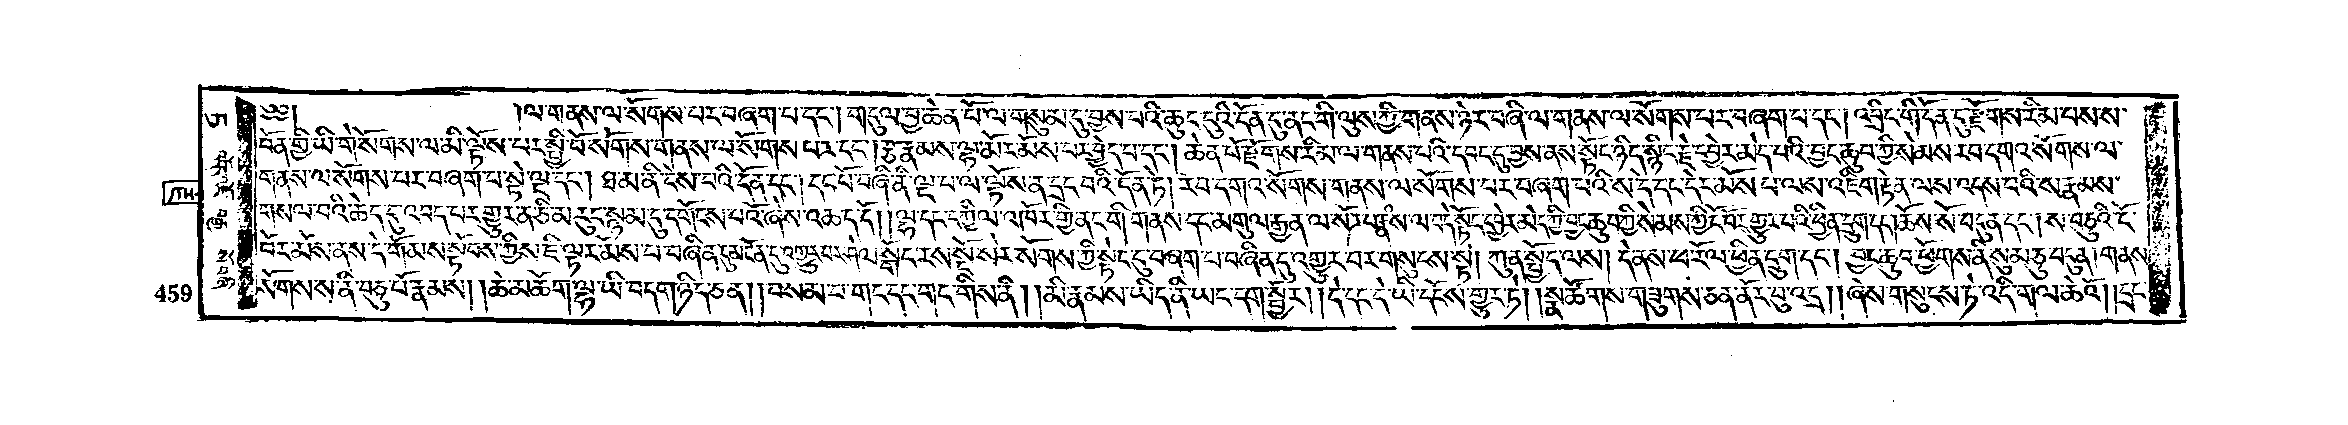༄༅། །ལ་གནས་ལ་སོགས་པར་བཞག་པ་དང་། གདུལ་བྱ་ཆེན་པོ་ལ་གསུམ་དུ་བྱས་པའི་ཆུང་ངུའི་དོན་དུ་ནང་གི་ལུས་ཀྱི་གནས་ཉེར་བཞི་ལ་གནས་ལ་སོགས་པར་བཞག་པ་དང་། འབྲིང་གི་དོན་དུ་རྫོགས་རིམ་པས་ས་
བོན་གྱི་ཡི་གེ་སོགས་ལ་མི་ལྟོས་པར་སྤྱི་བོ་སོགས་གནས་ལ་སོགས་པར་དང་། རྩ་རྣམས་ལྷ་མོར་མོས་པར་བྱེད་པ་དང་། ཆེན་པོ་རྫོགས་རིམ་ལ་གནས་པའི་དབང་དུ་བྱས་ནས་སྟོང་ཉིད་སྙིང་རྗེ་དབྱེར་མེད་པའི་བྱང་ཆུབ་ཀྱི་སེམས་རབ་དགའ་སོགས་ལ་
གནས་ལ་སོགས་པར་བཞག་པ་སྟེ་ལྔ་དང་། ཐ་མ་ནི་ངེས་པའི་དོན་དང་། དང་པོ་བཞི་ནི་ལྔ་པ་ལ་ལྟོས་ན་དྲང་བའི་དོན་ཏེ། རབ་དགའ་སོགས་གནས་ལ་སོགས་པར་བཞག་པའི་ས་དེ་དང་དེར་མོས་པ་ལས་འཇིག་རྟེན་ནས་འདས་པའི་ས་རྣམས་
གསལ་བའི་ཆེད་དུ་འབད་པར་གྱུར་ན་ཅི་མ་རུང་སྙམ་དུ་དགོངས་པའོ་ཞེས་འཆད་དོ། །ལྷ་དང་དཀྱིལ་འཁོར་གྱི་ནང་གི་གནས་དང་མགུལ་རྒྱན་ལ་སོགས་པ་རྣམས་ལ་བདེ་སྟོང་དབྱེར་མེད་ཀྱི་བྱང་ཆུབ་ཀྱི་སེམས་ཀྱི་ངོ་བོར་གྱུར་བའི་ཕྱིར་དྲུག་དང་། ཆོས་སོ་བདུན་དང་། ས་བཅུའི་ངོ་
བོར་མོས་ནས་དེ་གོམས་སྟོབས་ཀྱིས་ཇི་ལྟར་མོས་པ་བཞིན་དུ་མངོན་དུ་འགྱུར་བར་ཤེའོ། སྒོང་རས་སྔོ་སེར་སོགས་ཀྱི་སྟེང་དུ་བཞག་པ་བཞིན་དུ་འགྱུར་བར་གསུངས་སྟེ། ཀུན་སྤྱོད་ལས། དེ་ནས་ཕ་རོལ་ཕྱིན་དྲུག་དང་། བྱང་ཆུབ་ཕྱོགས་ནི་སུམ་ཅུ་བདུན། གནས་
སོགས་ས་ནི་བཅུ་པོ་རྣམས། །ཆེ་མཆོག་ལྷ་ཡི་བདག་ཉིད་ཅན། །བསམ་པ་གང་དང་གང་གིས་ནི། །མི་རྣམས་ཡིད་ནི་ཡང་དག་སྦྱོར། །དེ་དང་དེ་ཡི་དངོས་གྱུར་ཏེ། །སྣ་ཚོགས་གཟུགས་ཅན་ནོར་བུ་འདྲ། །ཞེས་གསུངས་ཏེ་འདི་གལ་ཆེའོ། །དྲང་